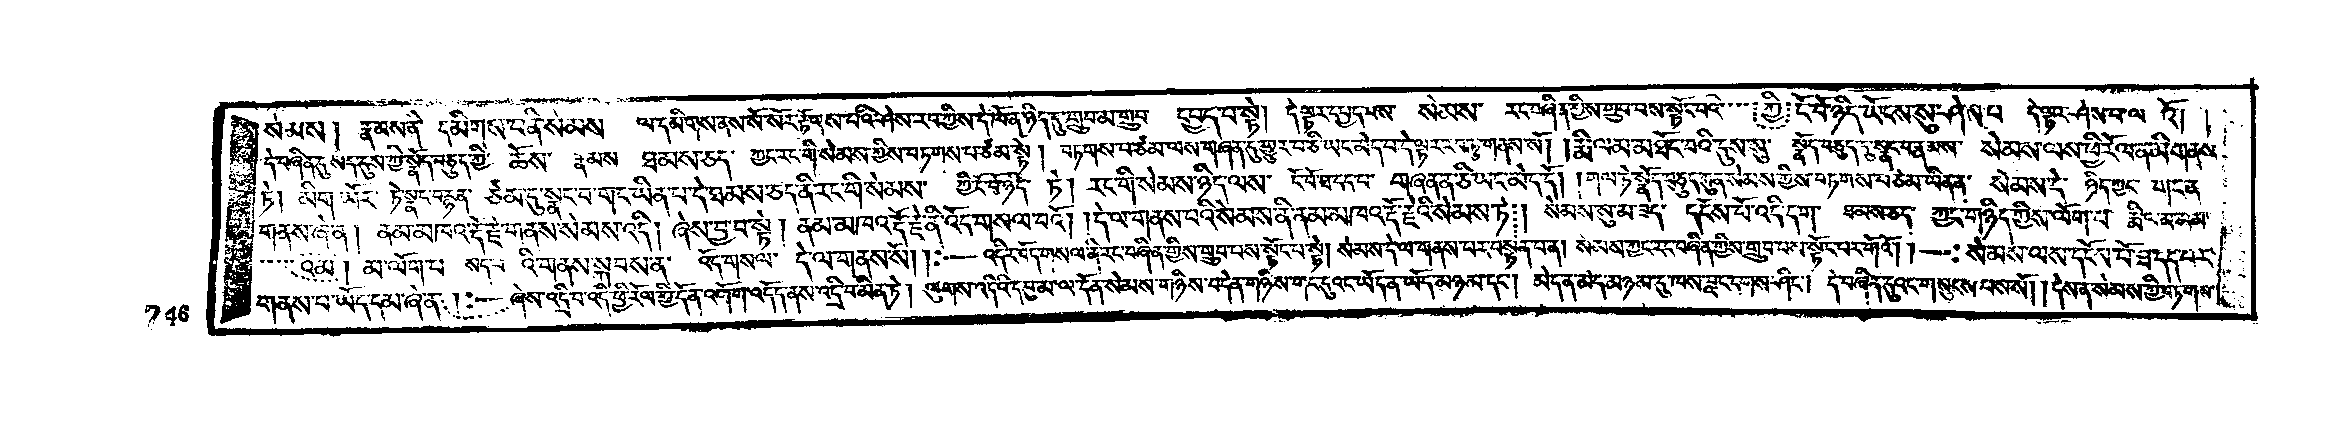སེམས། རྣམས་ནི་དམིགས་པ་ནི་སེམས་ལ་དམིགས་ནས་སོ་སོར་རྟོགས་པའི་ཤེས་རབ་ཀྱིས་དེ་ཁོ་ན་ཉིད་དུ་གྲུབ་མ་གྲུབ་དཔྱད་པ་སྟེ། དེ་ལྟར་དཔྱད་པས། སེམས་རང་བཞིན་གྱིས་གྲུབ་པས་སྟོང་པའི་ཀྱི་ངོ་བོ་ཉིད་ཡོངས་སུ་ཤེས་པ་དེ་ལྟར་ཤེས་པ་ལ་འོ། །
དེ་བཞིན་དུ་སད་དུས་ཀྱི་སྣོད་བཅུད་ཀྱི་ཆོས་རྣམས་ཐམས་ཅད་ཀྱང་རང་གི་སེམས་ཀྱིས་བཏགས་པ་ཙམ་སྟེ། བཏགས་པ་ཙམ་ལས་གཞན་དུ་གྱུར་པ་ཅི་ཡང་མེད་པ་དེ་ལྟར་རབ་ཏུ་གནས་སོ། ། རྨི་ལམ་མཐོང་བའི་དུས་སུ་སྣོད་བཅུད་དུ་སྣང་བ་རྣམས་སེམས་ལས་ཕྱི་རོལ་ན་མི་གནས་
ཏེ། མིག་ཡོར་ཏེ་སྣང་བརྙན་ཙམ་དུ་སྣང་བ་གང་ཡིན་པ་དེ་ཐམས་ཅད་ནི་རང་གི་སེམས་ཀྱི་ངོ་བོ་ཉིད་ཏེ། རང་གི་སེམས་ཉིད་ལས་ངོ་བོ་ཐ་དད་པ་གཞན་ན་ཅི་ཡང་མེད་དོ། ། གལ་ཏེ་སྣོད་བཅུད་ཀུན་སེམས་ཀྱིས་བཏགས་པ་ཙམ་ཡིན་ན་སེམས་དེ་ཉིད་ཀྱང་གང་ན་
གནས་ཞེས་ན། ནམ་མཁའ་རྡོ་རྗེ་གནས་སེམས་འདི། ཞེས་བྱ་བ་སྟེ། ནམ་མཁའ་རྡོ་རྗེ་ནི་འོད་གསལ་བའོ། །དེ་ལ་གནས་པའི་སེམས་ནི་ནམ་མཁའ་རྡོ་རྗེའི་སེམས་ཏེ་། སེམས་སུ་མ་ཟད་དངོས་པོ་འདི་དག་ཐམས་ཅད་ཀྱང་གཉིད་ཀྱིས་ལོག་པ་རྨི་ལམ་མམ་
འམ་མ་ལོག་པ་སད་པའི་གནས་སྐབས་ན་འོད་གསལ་དེ་ལ་གནས་སོ། །H.་འདིར་འོད་གསལ་ན་ནི་རང་བཞིན་གྱིས་གྲུབ་པས་སྟོང་པ་སྟེ། སེམས་དེ་ལ་གནས་པར་བསྟན་པ་ན། སེམས་ཀྱང་རང་བཞིན་གྱིས་གྲུབ་པས་སྟོང་པར་གོའོ། ། .H སེམས་ལས་དངོས་པོ་ཐ་དད་པར་
གནས་པ་ཡོད་དམ་ཞེ་ན། H.་ཞེས་འདྲི་བ་འདི་ཕྱི་རོལ་གྱི་དོན་འགོག་འདོད་ནས་འདྲི་བ་མིན་ཏེ། ལུགས་འདིའི་དབུ་མ་ལ་དོན་སེམས་གཉིས་བདེན་གཉིས་གང་དུའང་ཡོད་ན་ཡོད་མཉམ་དང་། མེད་ན་མེད་མཉམ་དུ་ཁས་བླང་དགས་ཤིང་། དེ་བཞིན་དུའང་གསུངས་པས་སོ། །དེས་ན་སེམས་ཀྱི་བཏགས་